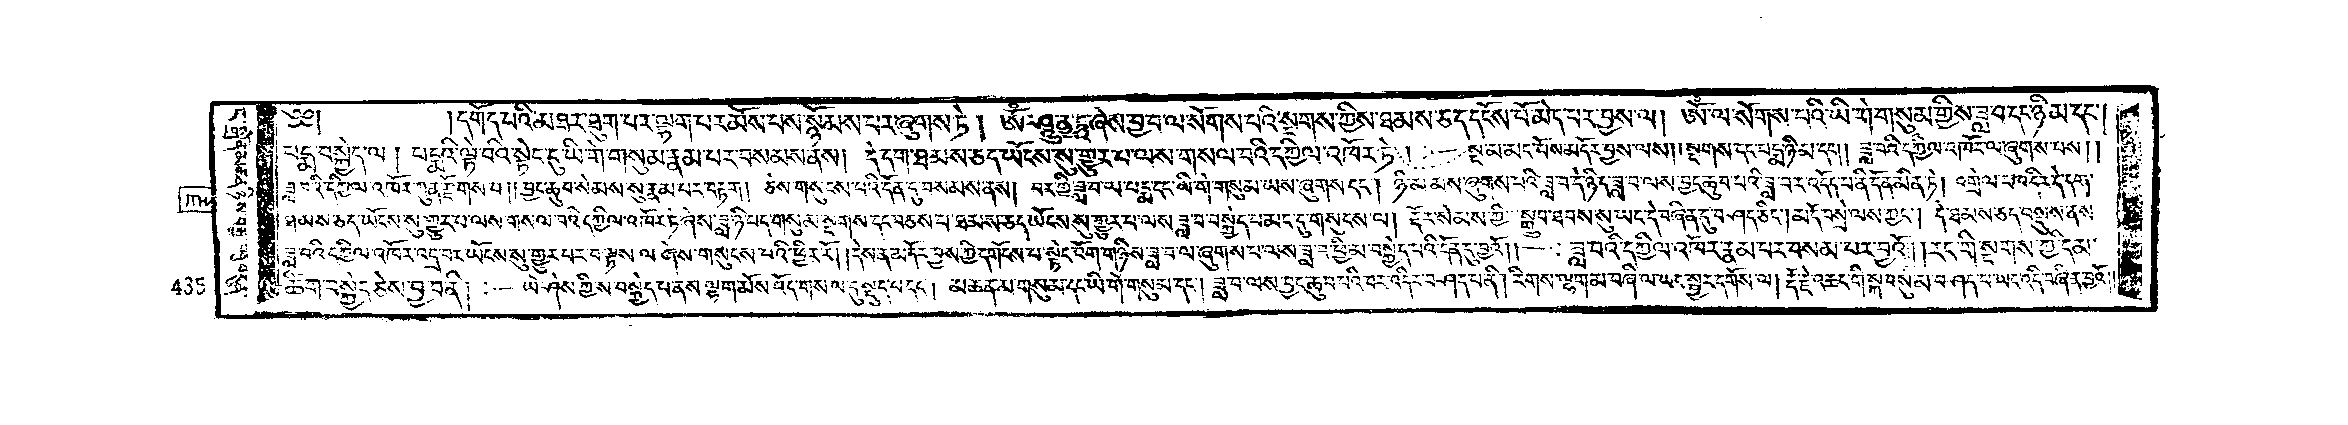༄༅། །དགོད་པའི་མཐར་ཐུག་པར་ལྷག་པར་མོས་པས་སྙོམས་པར་ཞུགས་ཏེ། ཨོཾ་ཤཱུ་ནྱ་ཏཱ་ཞེས་བྱ་བ་ལ་སོགས་པའི་སྔགས་ཀྱིས་ཐམས་ཅད་དངོས་པོ་མེད་པར་བྱས་ལ། ཨོཾ་ལ་སོགས་པའི་ཡི་གེ་གསུམ་གྱིས་ཟླ་བ་དང་ཉི་མ་དང་།
པདམ་བསྐྱེད་ལ། པདམའི་ལྟེ་བའི་སྟེང་དུ་ཡི་གེ་གསུམ་རྣམ་པར་བསམས་ནས། དེ་དག་ཐམས་ཅད་ཡོངས་སུ་གྱུར་པ་ལས་གསལ་བའི་དཀྱིལ་འཁོར་ཏེ། H.སྔ་མ་མང་པོས་མདོར་བྱས་ལས། །སྔགས་དང་པདམ་ཉི་མ་དག །ཟླ་བའི་དཀྱིལ་འཁོར་ལ་ཞུགས་པས། །
ཟླ་བའི་དཀྱིལ་འཁོར་ཀུན་རྫོགས་བ། །བྱང་ཆུབ་སེམས་སུ་རྣམ་པར་བརྟག །ཅེས་གསུངས་པའི་དོན་དུ་བསམས་ནས། བར་གྱི་ཟླ་བ་ལ་པདམ་དང་ཡི་གེ་གསུམ་ཡས་ཞུགས་དང་། ཉི་མ་མས་ཞུགས་པའི་ཟླ་བ་དེ་ཉིད་ཟླ་བ་ལས་བྱང་ཆུབ་པའི་ཟླ་བར་འདོད་པ་ནི་དོན་མིན་ཏེ། འགྲེལ་པ་འདིར་དེ་དག་
ཐམས་ཅད་ཡོངས་སུ་གྱུར་པ་ལས་གསལ་བའི་དཀྱིལ་འཁོར་ཏེ་ཞེས་ཟླ་ཉི་པད་གསུམ་སྔགས་དང་བཅས་པ་ཐམས་ཅད་ཡོངས་སུ་གྱུར་པ་ལས་ཟླ་བ་བསྐྱེད་པ་མང་དུ་གསུངས་ལ། རྡར་སེམས་ཀྱི་སྒྲུབ་ཐབས་སུ་ཡང་དེ་བཞིན་དུ་བཤད་ཅིང་། མདོ་བསྲེ་ལས་ཀྱང་། དེ་ཐམས་ཅད་བསྡུས་ནས་
ཟླ་བའི་དཀྱིལ་འཁོར་འདྲ་བར་ཡོངས་སུ་གྱུར་པར་བལྟས་ལ་ཞེས་གསུངས་པའི་ཕྱིར་རོ། །དེས་ན་མདོར་བྱས་ཀྱི་དགོངས་པ་སྟེང་འོག་གཉིས་ཟླ་བ་ལ་ཞུགས་པ་ལས་ཟླ་བ་ཕྱི་མ་བསྐྱེད་པའི་དོན་དུ་བྱའོ།། ཟླ་བའི་དཀྱིལ་འཁོར་རྣམ་པར་བསམ་པར་བྱའོ། །རང་གི་སྔགས་ཀྱི་དམ་
ཚིག་བསྐྱེད་ཅེས་བྱ་བ་ནི།H.་ཡེ་ཤེས་ཀྱིས་བསྐྱེད་པ་ནས་ལྷག་མོས་འོད་གསལ་དུ་སྡུད་པ་དང་། མཚན་མ་གསུམ་དང་ཡི་གེ་གསུམ་དང་། ཟླ་བ་ལས་བྱང་ཆུབ་པའི་བར་འདིར་བཤད་པ་ནི། རིགས་ལྷག་མ་བཞི་ལ་ཡང་སྦྱར་དགོས་ལ། རྡོ་རྗེ་འཆང་གི་སྐབས་སུ་མ་བཤད་པ་ཡང་འདི་བཞིན་བྱའོ།།